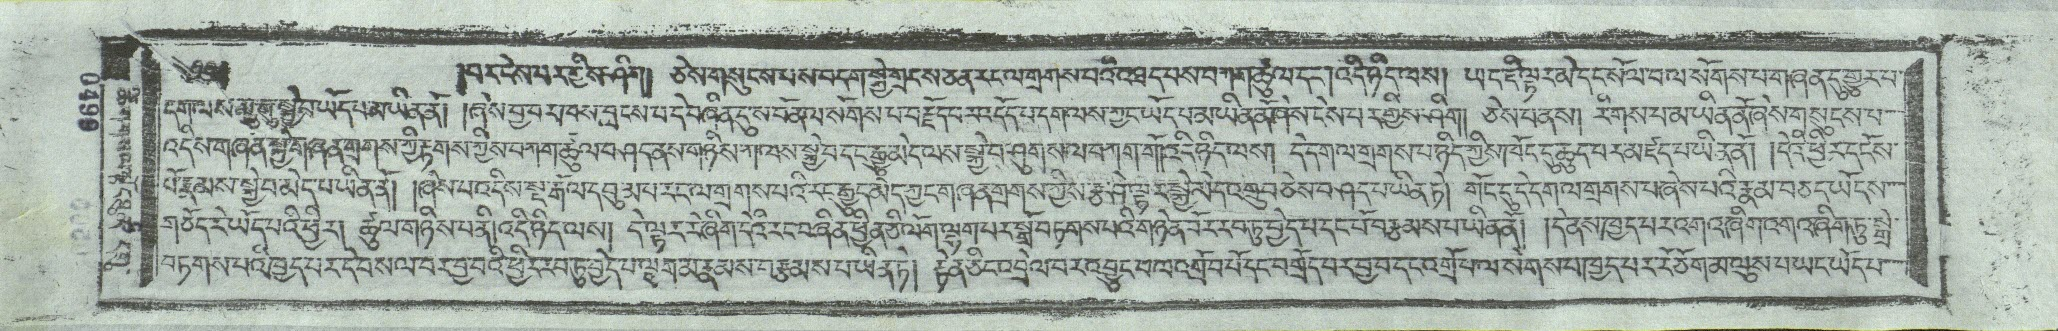༄༅། །བར་ངེས་པར་གྱིས་ཤིག། ཅེས་གསུངས་པས་བདག་སྐྱེ་གྲངས་ཅན་རང་ལ་གྲགས་པའི་འཐད་པས་བཀག་ཚུལ་དང་། འདི་ཉིད་ལས། ཡང་ཇི་ལྟར་མེ་དང་སོལ་བ་ལ་སོགས་པ་གཞན་དུ་གྱུར་པ་
དག་ལས་མྱུ་གུ་སྐྱེ་བ་ཡོད་པ་མ་ཡིན་ནོ། །ཞེས་བྱ་བར་ཁས་བླངས་པ་དེ་བཞིན་དུ་ས་བོན་ལ་སོགས་པ་བརྗོད་པར་འདོད་པ་དག་ལས་ཀྱང་ཡོད་པ་མ་ཡིན་ནོ་ཞེས་ངེས་པར་གྱིས་ཤིག། ཅེས་པ་ནས། རིགས་པ་མ་ཡིན་ནོ་ཞེས་གསུངས་པ་
འདིས་གཞན་སྐྱེ་གཞན་གྲགས་ཀྱི་རྟགས་ཀྱིས་བཀག་ཚུལ་བཤད་ནས་གཉིས་ཀ་ལས་སྐྱེ་བ་དང་རྒྱུ་མེད་ལས་སྐྱེ་བ་ཤུགས་ལ་བཀག་གོ། འདི་ཉིད་ལས། དེ་དག་ལ་གྲགས་པ་ཉིད་ཀྱིས་ཁོང་དུ་ཆུད་པར་མཛད་པ་ཡིན་ནོ། །དེའི་ཕྱིར་དངོས་
པོ་རྣམས་སྐྱེ་བ་མེད་པ་ཡིན་ནོ། །ཞེས་པ་འདིས་སྔ་རྒོལ་དབུ་མ་པ་རང་ལ་གྲགས་པའི་རང་རྒྱུད་མེད་ཀྱང་གཞན་གྲགས་ཀྱིས་རྩ་ཤེ་ལྟར་སྐྱེ་མེད་འགྲུབ་ཅེས་བཤད་པ་ཡིན་ཏེ། གོང་དུ་དེ་དག་ལ་གྲགས་པ་ཞེས་པའི་རྣམ་བཅད་ཡོངས་
གཅོད་རེ་ཡོད་པའི་ཕྱིར། ཚུལ་གཉིས་པ་ནི། འདི་ཉིད་ལས། དེ་ལྟར་རེ་ཞིག་དེའི་རང་བཞིན་ཕྱིན་ཅི་ལོག་ལྷག་པར་སྒྲོ་བཏགས་པའི་གཉེན་པོར་རབ་ཏུ་བྱེད་པ་དང་པོ་བརྩམས་པ་ཡིན་ནོ། །དེ་ནས་ཁྱད་པར་འགའ་ཞིག་འགའ་ཞིག་ཏུ་སྒྲོ་
བཏགས་པའི་ཁྱད་པར་དེ་བསལ་བར་བྱ་བའི་ཕྱིར་རབ་ཏུ་བྱེད་པ་ལྷག་མ་རྣམས་བརྩམས་པ་ཡིན་ཏེ། རྟེན་ཅིང་འབྲེལ་བར་འབྱུང་པ་ལ་འགྲོ་བ་པོ་དང་བགྲོད་པར་བྱ་བ་དང་འགྲོ་པ་ལ་སོགས་པ་ཁྱད་པར་རོ་ཅོག་མ་ལུས་པ་ཡང་ཡོད་པ་